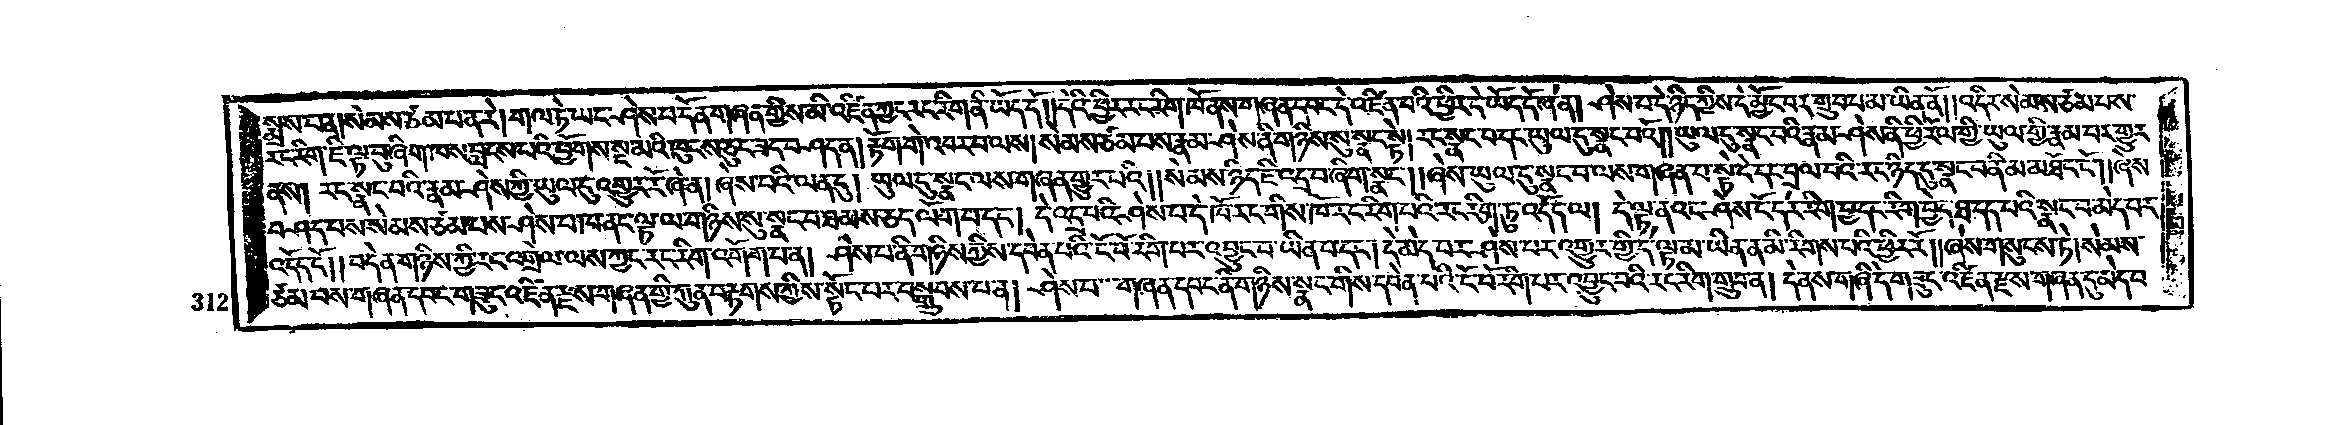སྨྲས་པ་ན། སེམས་ཙམ་པ་ན་རེ། གལ་ཏེ་ཡང་ཤེས་པ་དོན་གཞན་གྱིས་མི་འཛིན་ཀྱང་རང་རིག་ནི་ཡོད་དོ། །དེའི་ཕྱིར་རང་རིག་ཁོ་ནས་གཞན་དབང་དེ་འཛིན་པའི་ཕྱིར་དེ་ཡོད་དོ་ཞེ་ན། ཤེས་པ་དེ་ཉིད་ཀྱིས་དེ་མྱོང་བར་གྲུབ་པ་མ་ཡིན་ནོ། །འདིར་སེམས་ཙམ་པས་
རང་རིག་ཇི་ལྟ་བུ་ཞིག་ཁས་བླངས་པའི་ཕྱོགས་སྔ་མའི་ཁུངས་ཅུང་ཟད་བཤད་ན། རྟོག་གེ་འབར་བ་ལས། སེམས་ཙམ་པས་རྣམ་ཤེས་ནི་གཉིས་སུ་སྣང་སྟེ། རང་སྣང་བ་དང་ཡུལ་དུ་སྣང་བའོ། །ཡུལ་དུ་སྣང་བའི་རྣམ་ཤེས་ནི་ཕྱི་རོལ་གྱི་ཡུལ་གྱི་རྣམ་པར་གྱུར་
ནས། རང་སྣང་པའི་རྣམ་ཤེས་ཀྱི་ཡུལ་དུ་འགྱུར་རོ་ཞེ་ན། ཞེས་པའི་ལན་དུ། ཡུལ་དུ་སྣང་ལས་གཞན་གྱུར་པའི། །སེམས་ཉིད་ཇི་འདྲ་བ་ཞིག་སྣང་། །ཞེས་ཡུལ་དུ་སྣང་བ་ལས་གཞན་པ་སྟེ་དེ་དང་བྲལ་བའི་རང་ཉིད་དུ་སྣང་བ་ནི་མ་མཐོང་ངོ། །ཞེས་
བཤད་པས་སེམས་ཙམ་པས་ཤེས་པ་ཁ་ནང་ལྟ་ལ་གཉིས་སུ་སྣང་བ་ཐམས་ཅད་ལོག་པ་དང་། དེ་འདྲ་བའི་ཤེས་པ་དེ་ཁོ་རང་གིས་ཁོ་རང་རིག་པའི་རང་རིག་ཏུ་འདོད་ལ། དེ་ལྟ་ནའང་ཤེས་ངོ་དེར་རིག་བྱ་དང་རིག་བྱེད་ཐ་དད་པའི་སྣང་བ་མེད་པར་
འདོད་དོ། །བདེན་གཉིས་ཀྱི་རང་འགྲེལ་ལས་ཀྱང་རང་རིག་འགོག་པ་ན། ཤེས་པ་ནི་གཉིས་ཀྱིས་དབེན་པའི་ངོ་བོ་རིག་པར་འབྱུང་བ་ཡིན་པ་དང་། དེ་མེད་པར་ཤེས་པར་འགྱུར་གྱི་དེ་ལྟ་མ་ཡིན་ན་མི་རིགས་པའི་ཕྱིར་རོ། །ཞེས་གསུངས་ཏེ། སེམས་
ཙམ་པས་གཞན་དབང་གཟུང་འཛིན་རྫས་གཞན་གྱི་ཀུན་བརྟགས་ཀྱིས་སྟོང་པར་བསྒྲུབས་པ་ན། ཤེས་པ་གཞན་དབང་ནི་གཉིས་སྣང་གིས་དབེན་པའི་ངོ་བོ་རིག་པར་འབྱུང་བའི་རང་རིག་གྲུབ་ན། དེ་ནས་གཞི་དེ་གཟུང་འཛིན་རྫས་གཞན་དུ་མེད་པ་